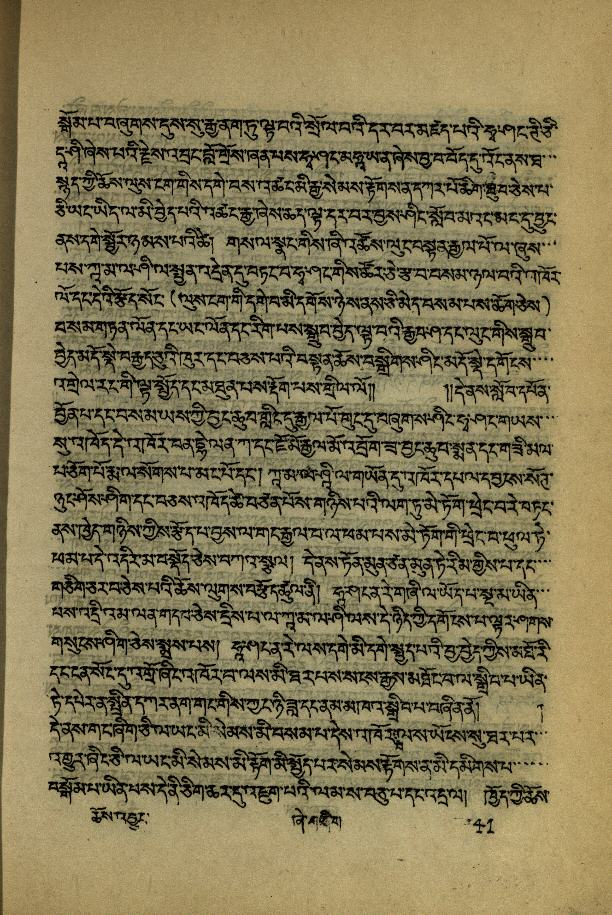སྒོམ་པ་བཞུགས་དུས་སུ་རྒྱ་ནག་ཏུ་ལྟ་བའི་སྲོལ་བའི་དར་བར་མཛད་པའི་ཧྭ་ཤང་ཊི་ཙི་
དཱ་ཤི་ཞེས་པའི་རྗེས་འབྲང་བློ་གྲོས་ཞན་པས་ཧྭ་ཤང་མྷཱ་ཡ་ན་ཞེས་བྱ་བ་འོང་ནས་ཐ་
སྙད་ཀྱི་ཆོས་ལུས་ངག་གིས་དགེ་བས་འཚང་མི་རྒྱ་སེམས་རྟོགས་ན་དཀར་པོ་ཆིག་ཐུབ་ཅེས་པ་
གཅི་ཡང་ཡིད་ལ་མི་བྱེད་པའི་འཚང་རྒྱ་ཞེས་ཆད་ལྟ་དར་བར་བྱས་ཤིང་སློབ་མའང་མང་དུ་བྱུང་
ནས་དགེ་སྦྱོར་ཉམས་པའི་ཚེ། གསལ་སྣང་གིས་ཞི་འཚོས་ལུང་བསྟན་རྒྱལ་པོ་ལ་ཞུས་
པས་ཀཱ་མ་ལ་ཤི་ལ་སྤྱན་འདྲེན་དུ་བཏང་བ་ཧྭ་ཤང་གིས་ཚོར་ཅེ་རྩ་བ་བསམ་ཉལ་བའི་འཁོར་
ལོ་དང་དེའི་རྩོད་སོང་ལུས་ངག་གི་དགེ་བ་མི་དགོས་ཉེས་ནས་ཅི་མེད་བསམ་པས་ཆོག་ཅེས
བསམ་གཏན་ལོན་དང་ཡང་ལོན་དང་རིག་པས་སྒྲུབ་བྱེད་ལྟ་བའི་རྒྱབ་ཤ་དང་ལུང་གིས་སྒྲུབ་
བྱེད་མདོ་སྡེ་བརྒྱད་ཅུའི་ཁུར་དང་བཅས་པའི་བསྟན་ཆོས་བསྒྲིགས་ཤིང་མདོ་སྡེ་དགོངས་
འགྲེལ་རང་གི་ལྟ་སྤྱོད་དང་མཐུན་པས་རྡོག་པས་གྲིལ་ལོ།། །།དེ་ནས་སློབ་དཔོན་
བྱོན་པ་དང་བསམ་ཡས་ཀྱི་བྱང་ཆུབ་གླིང་དུ་རྒྱལ་པོ་གུང་དུ་བཞུགས་ཤིང་ཧྭ་ཤང་གཡས་
སུ་འཁོད་དེ་འཁོར་བན་དྷེ་ལན་ཀ་དང་ཇོ་མོ་རྒྱལ་མོ་འབྲོག་ཟ་བྱང་ཆུབ་སྨན་དང་གཟི་མ་ལ་
པ་ཅོག་པོ་རྨ་ལ་སོགས་པ་མང་པོ་དང་། ཀཱ་མ་ལ་ཤཱི་ལ་གཡོན་དུ་འཁོར་དཔལ་དབྱངས་སོཊ་
ཉུང་ཤོས་ཤིག་དང་བཅས་འཁོད་ཚེ་བཙན་པོས་གཉིས་པའི་ལག་ཏུ་མེ་ཏོག་གི་ཕྲེང་བ་ཕུལ་ཏེ་
ནས་ཁྱེད་གཉིས་ཀྱིས་རྩོད་པ་བྱས་ལ་གང་རྒྱལ་བ་ལ་ཕམ་པས་མེ་ཏོག་གི་ཕྲེང་བ་ཕུལ་ཏེ་
ཕམ་པ་དེ་འདིར་མ་བསོད་ཅེས་བཀའ་སྩལ། དེ་ནས་ཏོན་མུན་ཙན་མུན་ཏེ་རིམ་གྱིས་པ་དང་
གཅིག་ཅར་བ་ཅེས་པའི་ཆོས་ལུགས་བརྩོད་ཚུལ་ནི། ཧཱ་ཤ་ངན་རེ་གཞི་ལ་ཡོད་པ་སྔ་མ་ཡིན་
པས་འདྲི་འམ་ལན་གདབ་ཅེས་དྲིས་པ་ལ་ཀཱ་མ་ལ་ཤི་ལས་དེ་ཉིད་ཀྱི་དགོངས་པ་ལྟར་ཤགས་
གསུངས་ཤིག་ཅེས་སྨྲས་པས། ཧཱ་ཤང་ན་རེ་ལས་དགེ་མི་དགེ་སྤྱད་པའི་བྱ་བྱེད་ཀྱིས་མཐོ་རི་
དང་ངན་སོང་དུ་འགྲོ་ཞིང་འཁོར་བ་ལས་མི་ཐར་པས་སངས་རྒྱས་མཐོང་བ་ལ་སྒྲིབ་པ་ཡིན་
ཏེ་དཔེར་ན་སྤྲིན་དཀར་ནག་གང་གིས་ཀྱང་ཉི་ཟླ་དང་ནམ་མཁའ་སྒྲིབ་པ་བཞིན་ནོ། །
དེ་ནས་གང་ཞིག་ཅི་ལ་ཡང་མི་སེམས་མི་བསམ་པ་དེས་འཁོར་བ་ལས་ཡོངས་སུ་ཐར་པར་
འགྱུར་ཞིང་ཅི་ལ་ཡང་མི་སེམས་མི་རྟོག་མི་སྤྱོད་པར་སེམས་རྟོགས་ནི་མི་དམིགས་པ་
བསྒོམ་པ་ཡིན་པས་དེ་ནི་ཅིག་ཆར་དུ་འཇུག་པའི་ལམ་ས་བཅུ་པ་དང་འདྲ་ལ། ཁྱོད་ཀྱི་ཆོས་